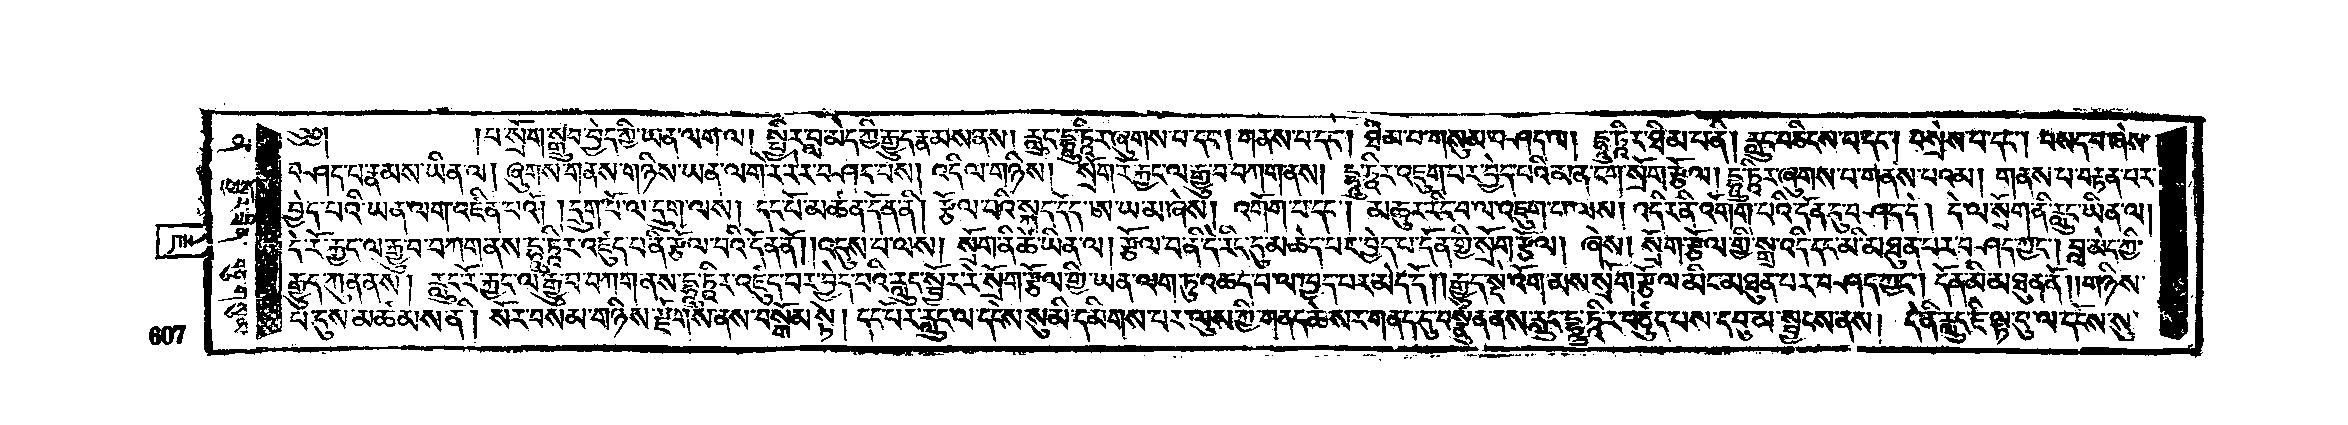༄༅། །པ་སྲོག་སྒྲུབ་བྱེད་ཀྱི་ཡན་ལག་ལ། སྤྱིར་བླ་མེད་ཀྱི་རྒྱུད་རྣམས་ནས། རླུང་དྷཱུ་ཏཱིར་ཞུགས་པ་དང་། གནས་པ་དང་། ཐིམ་པ་གསུམ་བཤད་ལ། དྷཱུ་ཏཱིར་ཐིམ་པ་ནི། རླུང་བཅིངས་པ་དང་། བསྲེས་པ་དང་། བསད་པ་ཞེས་
བཤད་པ་རྣམས་ཡིན་ལ། ཞུགས་གནས་གཉིས་ཡན་ལག་རེ་རེར་བཤད་པས། འདི་ལ་གཉིས། སྲོག་རོ་རྐྱང་ལ་རྒྱུ་བ་བཀག་ནས། དྷཱུ་ཏཱིར་འཇུག་པར་བྱེད་པའི་མན་ངག་སྲོག་རྩོལ། དྷཱུ་ཏཱིར་ཞུགས་པ་གནས་པའམ། གནས་པ་བརྟན་པར་
བྱེད་པའི་ཡན་ལག་འཛིན་པའོ། །དྲུག་པོ་ལ་དྲུག་ལས། དང་པོ་མཚན་དོན་ནི། རྩོལ་བའི་སྐད་དོད་ཨ་ཡ་མ་ཞེས། འགོག་པ་དང་། མཆུར་རིང་བ་ལ་འཇུག་པ་ལས། འདིར་ནི་འགོག་པའི་དོན་དུ་བཤད་དེ། དེ་ལ་སྲོག་ནི་རླུང་ཡིན་ལ།
དེ་རོ་རྐྱང་ལ་རྒྱུ་བ་བཀག་ནས་དྷཱུ་ཏཱིར་འཛུད་པ་ནི་རྩོལ་པའི་དོན་ནོ། །འདུས་པ་ལས། སྲོག་ནི་ཚེ་ཡིན་ལ། རྩོལ་བ་ནི་དེ་རིང་དུ་མཆེད་པར་བྱེད་པ་དོན་གྱི་སྲོག་རྩོལ། ཞེས། སྲོག་རྩོལ་གྱི་སྒྲ་འདི་དང་མི་མཐུན་པར་བཤད་ཀྱང་། བླ་མེད་ཀྱི་
རྒྱུད་ཀུན་ནས། རླུང་རོ་རྐྱང་ལ་རྒྱུ་བ་བཀག་ནས་དྷཱུ་ཏཱིར་འཛུད་པར་བྱེད་པའི་རླུང་སྦྱོར་རེ་སྲོག་རྩོལ་གྱི་ཡན་ལག་ཏུ་འཆད་པ་ལ་ཁྱད་པར་མེད་དོ། །རྒྱུད་སྡེ་འོག་མས་སྲོག་རྩོལ་མིང་མཐུན་པར་བཤད་ཀྱང་། དོན་མི་མཐུན་ནོ། །གཉིས་
པ་དུས་མཚམས་ནི། སོར་བསམ་གཉིས་རྫོགས་ནས་བསྒོམ་སྟེ། དང་པོར་རླུང་ལ་དངོས་སུ་མི་དམིགས་པར་ལུས་ཀྱི་གནད་ཆེ་སར་གནད་དུ་བསྣུན་ནས་རླུང་དྷཱུ་ཏཱིར་བཙུད་པས་དབུ་མ་སྦྱངས་ནས། དེ་ནི་རླུང་ཇི་ལྟ་བུ་ལ་དངོས་སུ་